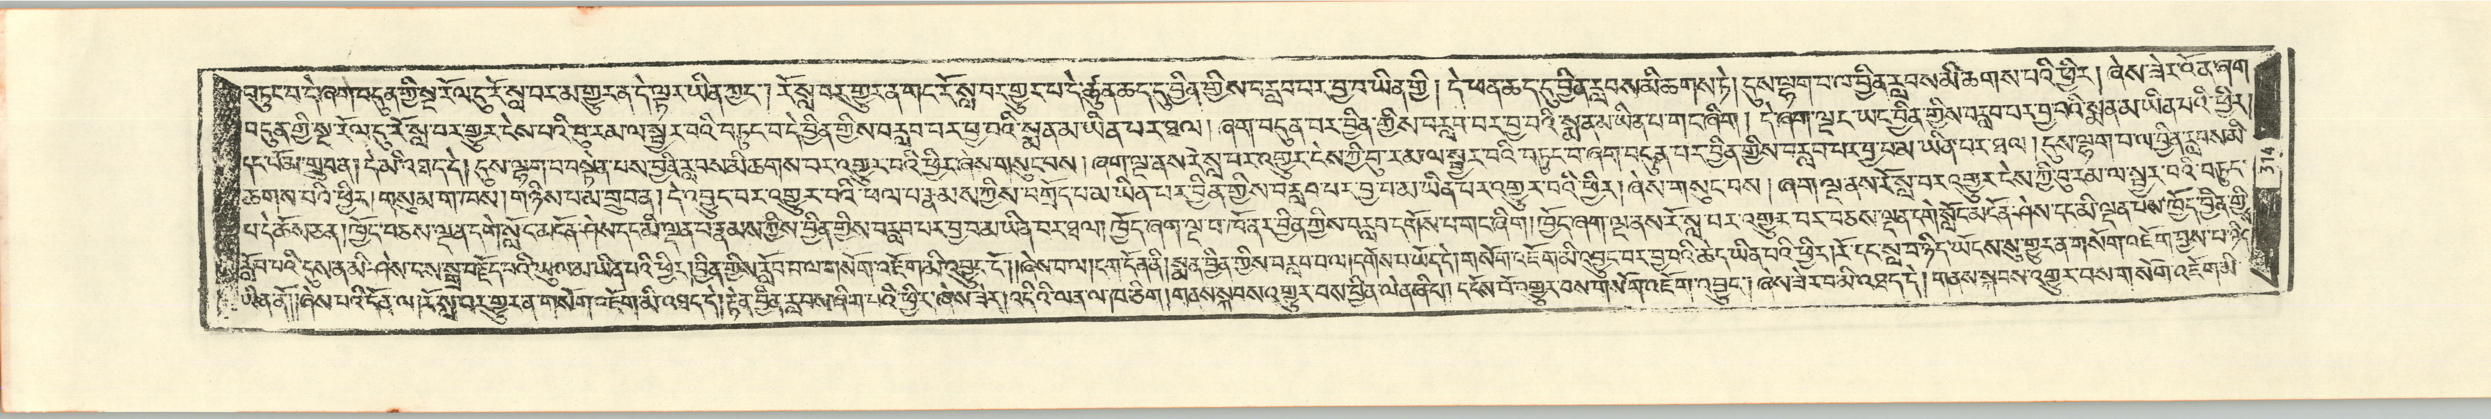བཏུང་བ་དེ་ཞག་བདུན་གྱི་སྔ་རོལ་དུ་རོ་སླ་བར་མ་གྱུར་ན་དེ་ལྟར་ཡིན་ཀྱང་། རོ་སླ་བར་གྱུར་ན་གང་རོ་སླ་བར་གྱུར་པ་དེ་ཚུན་ཆད་དུ་བྱིན་གྱིས་བརླབ་པར་བྱ་བ་ཡིན་གྱི། དེ་ཕན་ཆད་དུ་བྱིན་རླབས་མི་ཆགས་ཏེ། དུས་ལྷག་བ་ལ་བྱིན་རླབས་མི་ཆགས་པའི་ཕྱིར། ཞེས་ཟེར་འོ་ན་ཞག་
བདུན་གྱི་སྔ་རོལ་དུ་རོ་སླ་བར་གྱུར་ངེས་པའི་བུ་རམ་ལ་སྦྱར་བའི་བཏུང་བ་དེ་བྱིན་གྱིས་བརླབ་པར་བྱ་བའི་སྨན་མ་ཡིན་པར་ཐལ། ཞག་བདུན་པར་བྱིན་གྱིས་བརླབ་པར་བྱ་བའི་སྨན་མ་ཡིན་པ་གང་ཞིག །དེ་ཞག་ལྔར་ཡང་བྱིན་གྱིས་བརླབ་པར་བྱ་བའི་སྨན་མ་ཡིན་པའི་ཕྱིར།
དང་པོ་མ་གྲུབ་ན། དེ་མི་འཐད་དེ། དུས་ལྷག་བ་བསྟེན་པས་བྱིན་རླབས་མི་ཆགས་པར་འགྱུར་བའི་ཕྱིར་ཞེས་གསུངས་བས། ཞག་ལྔ་ནས་རེ་སླ་བར་འགྱུར་ངེས་ཀྱི་བུ་རམ་ལ་སྦྱར་བའི་བཏུང་བ་ཞག་བདུན་པར་བྱིན་གྱིས་བརླབ་པར་བྱ་བ་མ་ཡིན་པར་ཐལ། དུས་ལྷག་པ་ལ་བྱིན་རླབས་མི་
ཆགས་པའི་ཕྱིར། གསུམ་ག་ཁས། གཉིས་པ་མ་གྲུབ་ན། དེ་འབྱུང་བར་འགྱུར་བའི་ཕལ་པ་རྣམས་ཀྱིས་བགྲོད་པ་མ་ཡིན་པར་བྱིན་གྱིས་བརླབ་པར་བྱ་བ་མ་ཡིན་པར་འགྱུར་བའི་ཕྱིར། ཞེས་གསུངས་བས། ཞག་ལྔ་ནས་རོ་སླ་བར་འགྱུར་ངེས་ཀྱི་བུ་རམ་ལ་སྦྱར་བའི་བཏུང་
པ་དེ་ཆོས་ཅན། ཁྱོད་བཅས་ལྡན་དགེ་སློང་མངོན་ཤེས་དང་མི་ལྡན་པ་རྣམས་ཀྱིས་བྱིན་གྱིས་བརླབ་པར་བྱ་བ་མ་ཡིན་པར་ཐལ། ཁྱོད་ཞག་ལྔ་པ་ཁོ་ནར་བྱིན་གྱིས་བརླབ་དགོས་པ་གང་ཞིག །ཁྱོད་ཞག་ལྔ་ནས་རོ་སླ་བར་འགྱུར་བར་བཅས་ལྡན་དགེ་སློང་མངོན་ཤེས་དང་མི་ལྡན་པས་ཁྱོད་བྱིན་གྱིས་
རློབ་པའི་དུས་ན་མི་ཤེས་པས་སྒྲ་བརྗོད་པའི་ཡུལ་མ་ཡིན་པའི་ཕྱིར། བྱིན་གྱིས་རློབ་པ་ལ་གསོག་འཇོག་མི་འབྱུང་ངོ། །ཞེས་བ་ལ། དག་དོན་ནི། སྨན་བྱིན་གྱིས་བརླབ་པ་ལ། དགོས་པ་ཡོད་དེ། གསོག་འཇོག་མི་འབྱུང་བར་བྱ་བའི་ཆེད་ཡིན་པའི་ཕྱིར། རོ་དང་སླ་བ་ཉིད་ཡོངས་སུ་གྱུར་ན་གསོག་འཇོག་བྱས་པ་ཉིད་
ཡིན་ནོ། །ཞེས་པའི་དོན་ལ། རོ་སླ་བར་གྱུར་ན་གསོག་འཇོག་མི་འཐད་དེ། རྟེན་བྱིན་རླབས་ཞིག་པའི་ཕྱིར། ཞེས་ཟེར། འདིའི་ལན་ལ་ཁ་ཅིག །གནས་སྐབས་འགྱུར་བས་བྱིན་ལེན་ཞིང་། །དངོས་པོ་འགྱུར་བས་གསོག་འཇོག་འབྱུང་། ཞེས་ཟེར་བ་མི་འཐད་དེ། གནས་སྐབས་འགྱུར་བས་གསོག་འཇོག་མི་